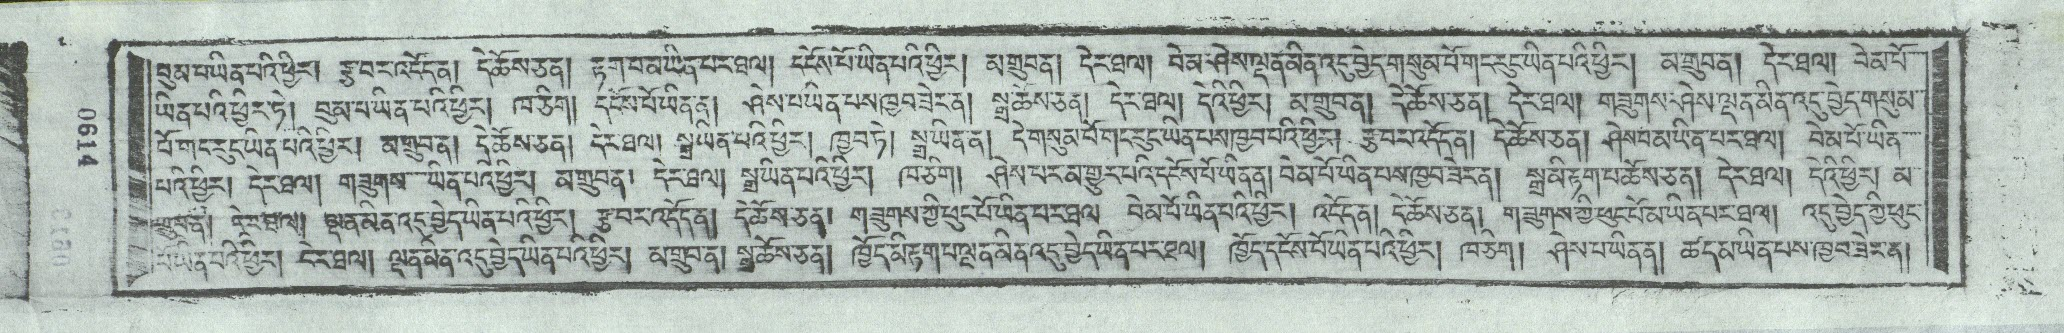བུམ་པ་ཡིན་པའི་ཕྱིར། རྩ་བར་འདོད་ན། དེ་ཆོས་ཅན། རྟག་པ་མ་ཡིན་པར་ཐལ། དངོས་པོ་ཡིན་པའི་ཕྱིར། མ་གྲུབ་ན། དེར་ཐལ། བེམ་ཤེས་ལྡན་མིན་འདུ་བྱེད་གསུམ་པོ་གང་རུང་ཡིན་པའི་ཕྱིར། མ་གྲུབ་ན། དེར་ཐལ། བེམ་པོ་
ཡིན་པའི་ཕྱིར་ཏེ། བུམ་པ་ཡིན་པའི་ཕྱིར། ཁ་ཅིག། དངོས་པོ་ཡིན་ན། ཤེས་པ་ཡིན་པས་ཁྱབ་ཟེར་ན། སྒྲ་ཆོས་ཅན། དེར་ཐལ། དེའི་ཕྱིར། མ་གྲུབ་ན། དེ་ཆོས་ཅན། དེར་ཐལ། གཟུགས་ཤེས་ལྡན་མིན་འདུ་བྱེད་གསུམ་
པོ་གང་རུང་ཡིན་པའི་ཕྱིར། མ་གྲུབ་ན། དེ་ཆོས་ཅན། དེར་ཐལ། སྒྲ་ཡིན་པའི་ཕྱིར། ཁྱབ་ཏེ། སྒྲ་ཡིན་ན། དེ་གསུམ་པོ་གང་རུང་ཡིན་པས་ཁྱབ་པའི་ཕྱིར། རྩ་བར་འདོད་ན། དེ་ཆོས་ཅན། ཤེས་པ་མ་ཡིན་པར་ཐལ། བེམ་པོ་ཡིན་
པའི་ཕྱིར། དེར་ཐལ། གཟུགས་ཡིན་པའི་ཕྱིར། མ་གྲུབ་ན། དེར་ཐལ། སྒྲ་ཡིན་པའི་ཕྱིར། ཁ་ཅིག། ཤེས་པར་མ་གྱུར་པའི་དངོས་པོ་ཡིན་ན། བེམ་པོ་ཡིན་པས་ཁྱབ་ཟེར་ན། སྒྲ་མི་རྟག་པ་ཆོས་ཅན། དེར་ཐལ། དེའི་ཕྱིར། མ་
གྲུབ་ན། དེར་ཐལ། ལྡན་མིན་འདུ་བྱེད་ཡིན་པའི་ཕྱིར། རྩ་བར་འདོད་ན། དེ་ཆོས་ཅན། གཟུགས་ཀྱི་ཕུང་པོ་ཡིན་པར་ཐལ། བེམ་པོ་ཡིན་པའི་ཕྱིར། འདོད་ན། དེ་ཆོས་ཅན། གཟུགས་ཀྱི་ཕུང་པོ་མ་ཡིན་པར་ཐལ། འདུ་བྱེད་ཀྱི་ཕུང་
པོ་ཡིན་པའི་ཕྱིར། དེར་ཐལ། ལྡན་མིན་འདུ་བྱེད་ཡིན་པའི་ཕྱིར། མ་གྲུབ་ན། སྒྲ་ཆོས་ཅན། ཁྱོད་མི་རྟག་པ་ལྡན་མིན་འདུ་བྱེད་ཡིན་པར་ཐལ། ཁྱོད་དངོས་པོ་ཡིན་པའི་ཕྱིར། ཁ་ཅིག། ཤེས་པ་ཡིན་ན། ཚད་མ་ཡིན་པས་ཁྱབ་ཟེར་ན།